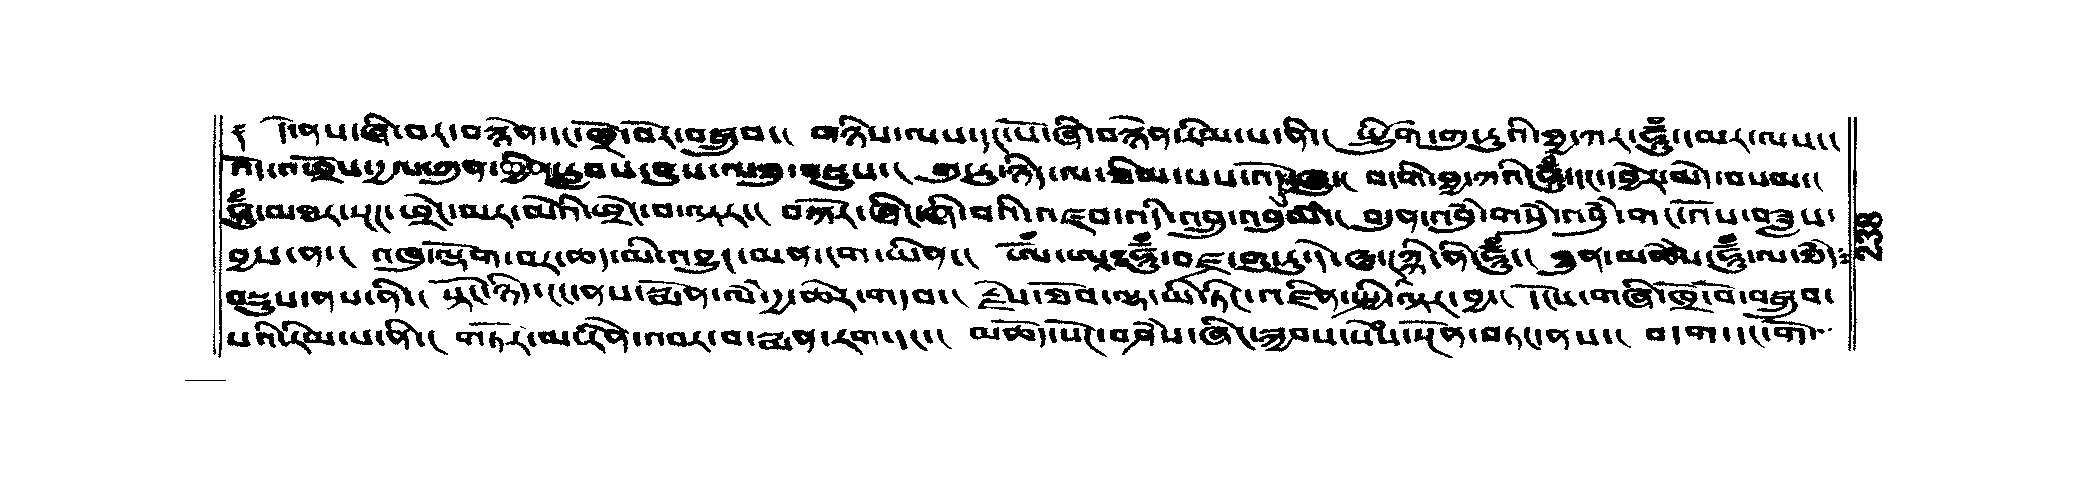༈ དེ་ནས་ཞི་བར་བསྙེན་དང་ཁྲོ་བོར་བསྒྲུབ། །གཉིས་ལས་དང་པོ་ཞི་བསྙེན་རིམ་པ་ནི། །སྤྱི་གཙུག་གུ་རུའི་ཐུགས་ཀར་ཧཱུྃ་དམར་ལས། །
འོད་འཕྲོས་རྒྱལ་ཀུན་བྱིན་རླབས་ནུས་མཐུ་བརྫུས། །གུ་རུ་ཉིད་ལ་ཐིམ་པས་འོད་དུ་ཞུ། །བདག་གི་ཐུགས་ཀའི་ཧཱུྃ་དང་དབྱེར་མེད་བསམ། །
ཧཱུྃ་མཐར་སྔགས་ཕྲེང་མར་མེའི་ཕྲེང་བ་ལྟར། །བསྐོར་ཞིང་ཞི་བའི་འཛབ་འདི་འབྲུ་འབུམ་མམ། །བདུན་འབུམ་གསུམ་འབུམ་གང་འོས་བཟླས་
བྱས་ན། །འཁུ་ལྡོག་བར་ཆད་མི་འབྱུང་མན་ངག་ཡིན། །ཨོྃ་ཨཱཿཧཱུྃ་བཛྲ་གུ་རུ་དེ་ཝ་ཌཱ་ཀྐི་ནི་ཧཱུྃ། ཐུན་མཚམས་ཧཱུྃ་ལ་ཐམས་ཅད་
བསྡུས་ནས་ནི། །སྟོང་ཉིད་ངང་ནས་སྨོན་ལམ་རྒྱ་ཆེར་གདབ། །རྗེས་ཐོབ་ལྷ་ཡི་ཏིང་འཛིན་སྤྱི་ལྟརབྱ། །དངོས་གཞི་ཁྲོ་བོ་བསྒྲུབ་
པའི་རིམ་པ་ནི། །གཏོར་མ་རིན་ཆེན་འབར་བ་སྨན་རག་དང་། །མཆོད་སོགས་བཤམས་ཞིང་སྐྱབས་སེམས་སྔོན་བཏང་ནས། །བདག་དང་གོ་